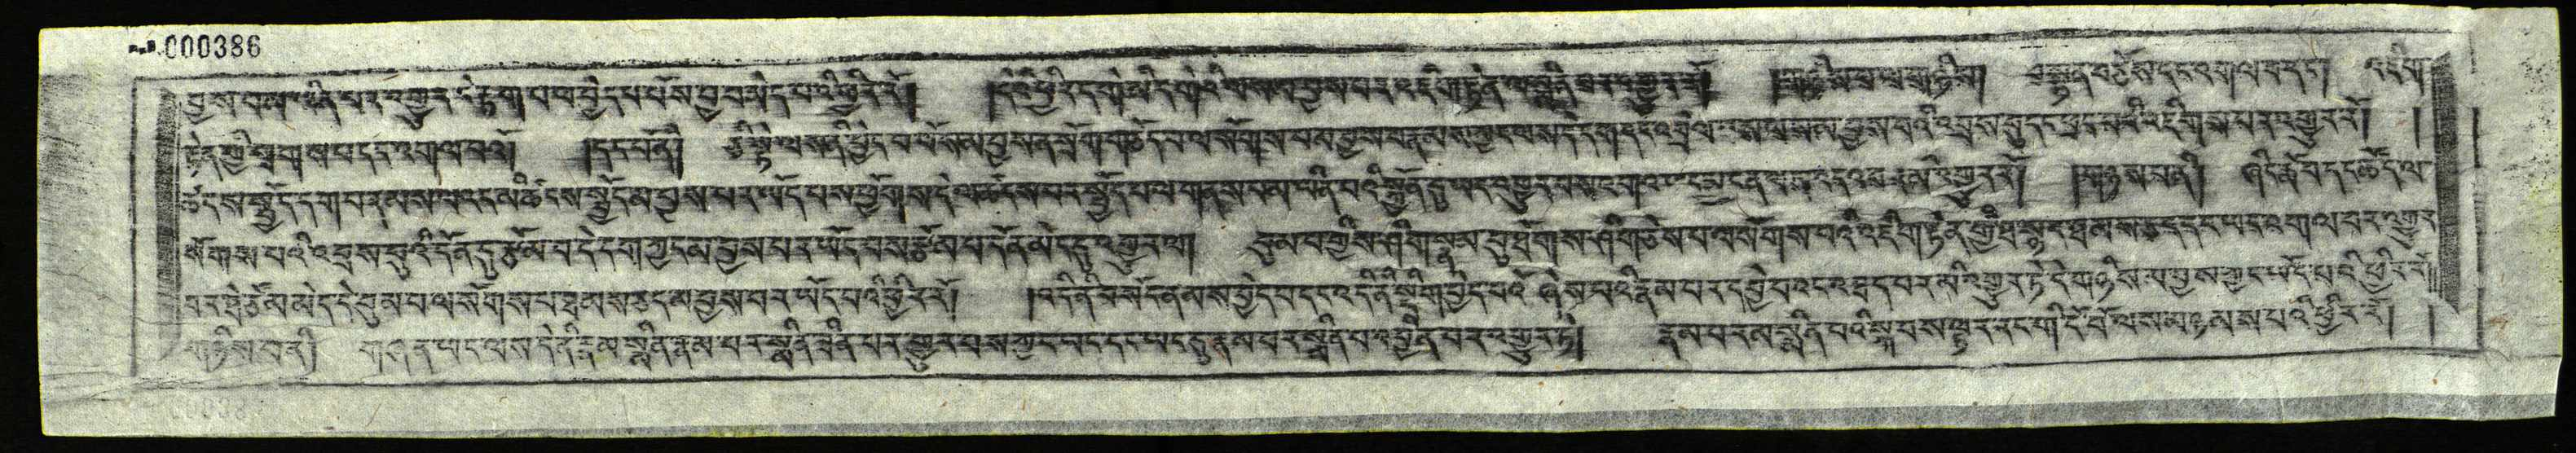བྱས་པས་ཡིན་པར་འགྱུར་དེ་རྟག་པ་ལ་བྱེད་པ་པོས་བྱ་བ་མེད་པའི་ཕྱིར་རོ། །དེའི་ཕྱིར་དགེ་མི་དགེའི་ལས་མ་བྱས་པར་འཇིག་རྟེན་ལ་བྱིན་པར་འགྱུར་རོ། །གཉིས་པ་ལ་གཉིས། བསྟན་བཅོས་དང་འགལ་བ་དང་། འཇིག་
རྟེན་གྱི་གྲགས་པ་དང་འགལ་བའོ། །དང་པོ་ནི། ཅི་སྟེ་ལས་ནི་བྱེད་པ་པོས་མ་བྱས་ན་སྲོག་གཅོད་པ་ལ་སོགས་པ་མ་བྱས་པ་རྣམས་ཀྱང་ལས་དེ་དག་དང་འབྲེལ་བས་ལས་མ་བྱས་པའི་འབྲས་བུ་དང་ཕྲད་བའི་འཇིགས་པར་འགྱུར་རོ། །
ཚངས་སྤྱོད་དག་པ་ནམས་ལ་རང་མི་ཚངས་སྤྱོད་མ་བྱས་པར་ཡོད་པས་ཕྱོགས་དེ་ལ་ཚངས་པར་སྤྱོད་པ་ལ་གནས་པ་མ་ཡིན་པའི་སྐྱོན་དུ་ཡང་འགྱུར་བས་འགལ་བར་མྱ་ངན་ལས་འདའ་བར་མི་འགྱུར་རོ། །གཉིས་པ་ནི། ཞིང་རྨོ་བ་དང་ཚོད་ལ་
སོགས་པའི་འབྲས་བུའི་དོན་དུ་རྩོམ་པ་དེ་དག་ཀྱང་མ་བྱས་པར་ཡོད་པས་རྩོམ་པ་དོན་མེད་དུ་འགྱུར་ལ། བུམ་པ་གྱིས་ཞིག་སྣམ་བུ་ཐོགས་ཤིག་ཅེས་པ་ལ་སོགས་པའི་འཇིག་རྟེན་གྱི་ཐ་སྙད་ཐམས་ཅད་དང་ཡང་འགལ་བར་འགྱུར་
བར་ཐེ་ཙོམ་མེད་དེ་བུམ་པ་ལ་སོགས་པ་ཐམས་ཅད་མ་བྱས་པར་ཡོད་པའི་ཕྱིར་རོ། །འདི་ནི་བསོད་ནམས་བྱེད་པ་དང་འདི་ནི་སྡིག་བྱེད་པའོ་ཞེས་པའི་རྣམ་པར་དབྱེ་བ་འང་འཐད་པར་མི་འགྱུར་ཏེ་དེ་གཉིས་མ་བྱས་ཀྱང་ཡོད་པའི་ཕྱིར་རོ།།
གཉིས་པ་ནི། གཞན་ཡང་ལས་དེ་ནི་རྣམ་སྨིན་རྣམ་པར་སྨིན་ཟིན་པར་གྱུར་བས་ཀྱང་ཡང་དང་ཡང་དུ་རྣམ་པར་སྨིན་པ་འབྱིན་པར་འགྱུར་ཏེ། རྣམ་པར་མ་སྨིན་པའི་སྐབས་ལྟར་རང་གི་ངོ་བོ་ལས་མཉམས་པའི་ཕྱིར་རོ། །